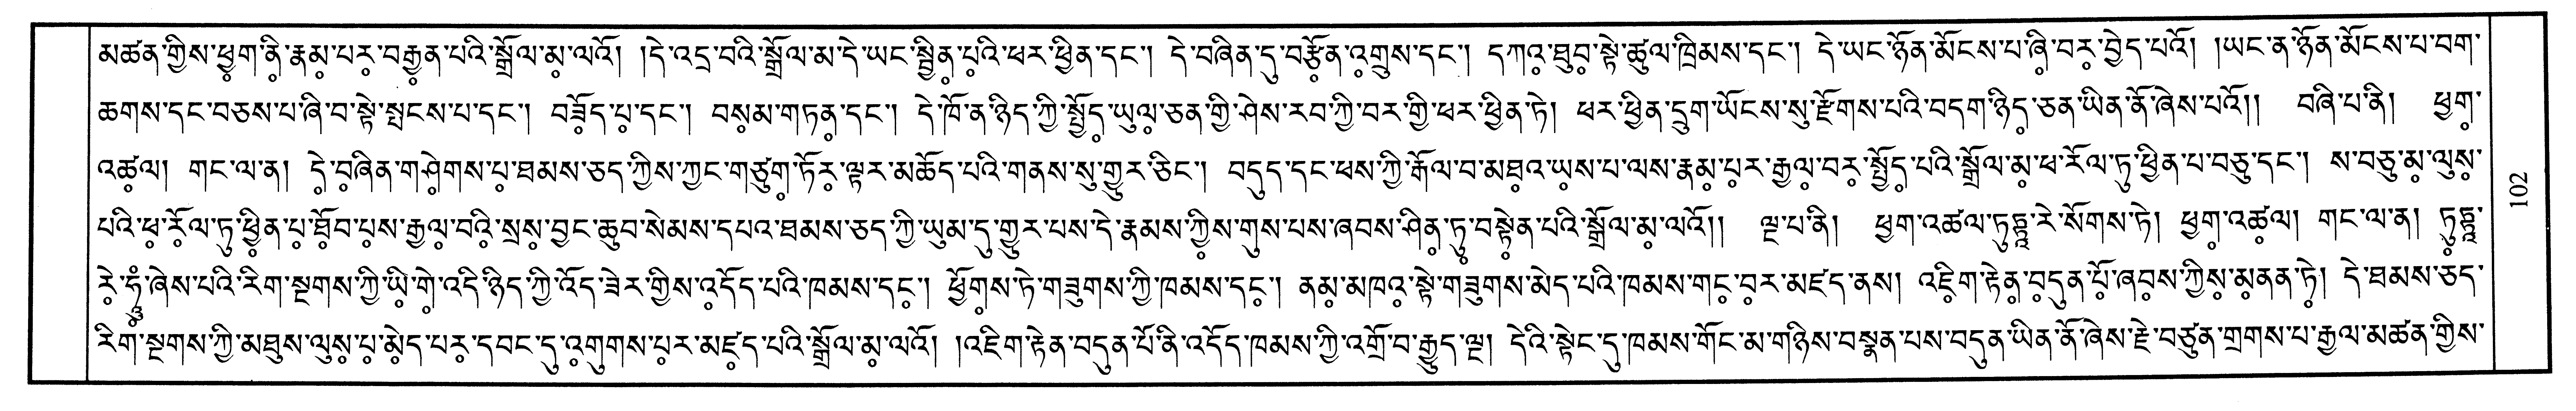མཚན་གྱིས་ཕྱག་ནི་རྣམ་པར་བརྒྱན་པའི་སྒྲོལ་མ་ལའོ། །དེ་འདྲ་བའི་སྒྲོལ་མ་དེ་ཡང་སྦྱིན་པའི་ཕར་ཕྱིན་དང་། དེ་བཞིན་དུ་བརྩོན་འགྲུས་དང་། དཀའ་ཐུབ་སྟེ་ཚུལ་ཁྲིམས་དང་། དེ་ཡང་ཉོན་མོངས་པ་ཞི་བར་བྱེད་པའོ། །ཡང་ན་ཉོན་མོངས་པ་བག་
ཆགས་དང་བཅས་པ་ཞི་བ་སྟེ་སྤངས་པ་དང་། བཟོད་པ་དང་། བསམ་གཏན་དང་། དེ་ཁོ་ན་ཉིད་ཀྱི་སྤྱོད་ཡུལ་ཅན་གྱི་ཤེས་རབ་ཀྱི་བར་གྱི་ཕར་ཕྱིན་ཏེ། ཕར་ཕྱིན་དྲུག་ཡོངས་སུ་རྫོགས་པའི་བདག་ཉིད་ཅན་ཡིན་ནོ་ཞེས་པའོ།། བཞི་པ་ནི། ཕྱག་
འཚལ། གང་ལ་ན། དེ་བཞིན་གཤེགས་པ་ཐམས་ཅད་ཀྱིས་ཀྱང་གཙུག་ཏོར་ལྟར་མཆོད་པའི་གནས་སུ་གྱུར་ཅིང་། བདུད་དང་ཕས་ཀྱི་རྒོལ་བ་མཐའ་ཡས་པ་ལས་རྣམ་པར་རྒྱལ་བར་སྤྱོད་པའི་སྒྲོལ་མ་ཕ་རོལ་ཏུ་ཕྱིན་པ་བཅུ་དང་། ས་བཅུ་མ་ལུས་
པའི་ཕ་རོལ་ཏུ་ཕྱིན་པ་ཐོབ་པས་རྒྱལ་བའི་སྲས་བྱང་ཆུབ་སེམས་དཔའ་ཐམས་ཅད་ཀྱི་ཡུམ་དུ་གྱུར་པས་དེ་རྣམས་ཀྱིས་གུས་པས་ཞབས་ཤིན་ཏུ་བསྟེན་པའི་སྒྲོལ་མ་ལའོ།། ལྔ་པ་ནི། ཕྱག་འཚལ་ཏུཏྟཱ་རེ་སོགས་ཏེ། ཕྱག་འཚལ། གང་ལ་ན། ཏུཏྟཱ་
རེ་ཧཱུཾ་ཞེས་པའི་རིག་སྔགས་ཀྱི་ཡི་གེ་འདི་ཉིད་ཀྱི་འོད་ཟེར་གྱིས་འདོད་པའི་ཁམས་དང་། ཕྱོགས་ཏེ་གཟུགས་ཀྱི་ཁམས་དང་། ནམ་མཁའ་སྟེ་གཟུགས་མེད་པའི་ཁམས་གང་བར་མཛད་ནས། འཇིག་རྟེན་བདུན་པོ་ཞབས་ཀྱིས་མནན་ཏེ། དེ་ཐམས་ཅད་
རིག་སྔགས་ཀྱི་མཐུས་ལུས་པ་མེད་པར་དབང་དུ་འགུགས་པར་མཛད་པའི་སྒྲོལ་མ་ལའོ། །འཇིག་རྟེན་བདུན་པོ་ནི་འདོད་ཁམས་ཀྱི་འགྲོ་བ་རྒྱུད་ལྔ། དེའི་སྟེང་དུ་ཁམས་གོང་མ་གཉིས་བསྣན་པས་བདུན་ཡིན་ནོ་ཞེས་རྗེ་བཙུན་གྲགས་པ་རྒྱལ་མཚན་གྱིས་